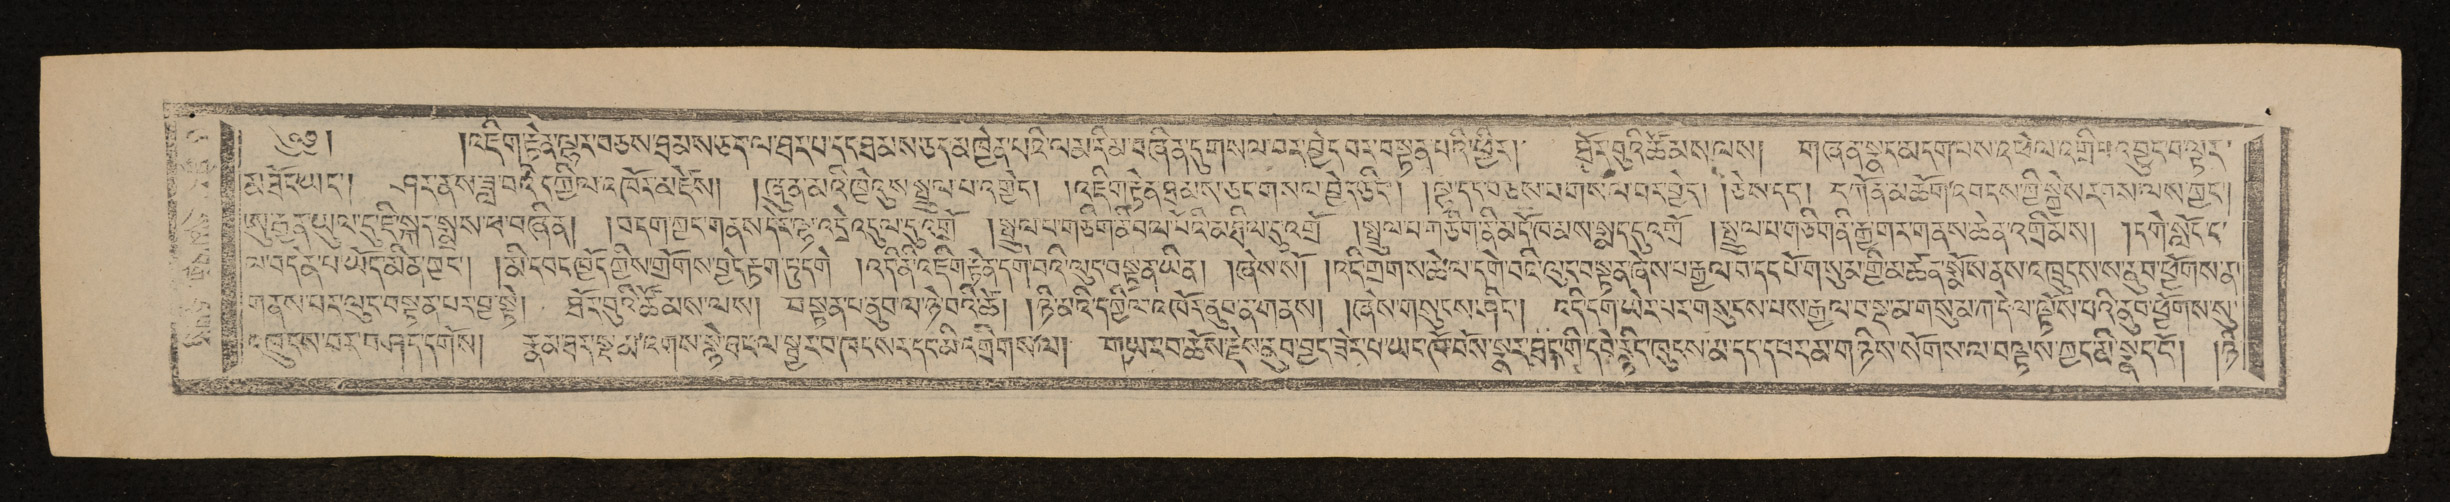༄༅། །འཇིག་རྟེན་ལྷར་བཅས་ཐམས་ཅད་ལ་ཐར་པ་དང་ཐམས་ཅད་མཁྱེན་པའི་ལམ་རིམ་བཞིན་དུ་གསལ་བར་བྱེད་པར་བསྟན་པའི་ཕྱིར། ཐོར་བུའི་ཚོམས་ལས། གཞན་སྣང་མ་དག་པས་འཕེལ་འགྲིབ་འབྱུང་བ་ལྟར་
མཐོང་ཡང་། ཤར་ནས་ཟླ་བའི་དཀྱིལ་འཁོར་མཛེས། །ཞུན་མའི་ཁྱེའུས་སྤྲུལ་པ་འགྱེད། །འཇིག་རྟེན་ཐམས་ཅད་གསལ་བྱེད་ཅིང་། །ལྷ་དང་བཅས་པ་གསལ་བར་བྱེད། །ཅེས་དང་། དཀོན་མཆོག་འབངས་ཀྱི་སྐྱེས་རབས་ལས་ཀྱང་།
ཨུ་རྒྱན་ཡུལ་དུ་ཇི་སྐད་སྨྲས་པ་བཞིན། །བདག་ཀྱང་གནས་དེར་ལྷ་འདྲེ་འདུལ་དུ་འགྲོ་།སྤྲུལ་པ་གཅིག་ནི་བལ་པོའི་མཐིལ་དུ་འགྲོ་།སྤྲུལ་པ་གཅིག་ནི་མདོ་ཁམས་སྨད་དུ་འགྲོ་།སྤྲུལ་པ་གཅིག་ནི་རྒྱ་གར་གནས་ཆེན་འགྲིམས། །དགེ་སློང་ང་
ལ་བདེན་པ་ཡོད་མིན་ཀྱང་། །མི་དབང་ཁྱོད་ཀྱིས་གྲོགས་བྱེད་རྟག་ཏུ་དགེ །འདི་ནི་འཇིག་རྟེན་དགེ་བའི་ལུང་བསྟན་ཡིན། །ཞེས་སོ། །འདི་གྲགས་ཆེལ་དགེ་བའི་ལུང་བསྟན་ཞེས་པ་རྒྱལ་བ་དང་པོ་གསུམ་གྱི་མཚན་སྨོས་ནས་འཁྲུངས་ས་ནུབ་ཕྱོགས་ན་
གནས་པར་ལུང་བསྟན་པར་བྱ་སྟེ། ཐོར་བུའི་ཚོམས་ལས། བསྟན་པ་ནུབ་ལ་ཉེ་བའི་ཚེ། །ཉི་མའི་དཀྱིལ་འཁོར་ནུབ་ན་གནས། །ཞེས་གསུངས་ཤིང་། འདི་དག་ཡེར་བར་གསུངས་པས་རྒྱལ་བ་སྔ་མ་གསུམ་ཀ་དེ་ལ་ལྟོས་པའི་ནུབ་ཕྱོགས་སུ་
འཁྲུངས་པར་བཤད་དགོས། རྣམ་ཐར་སྔ་མ་འགས་སྙེ་ཐང་ལ་སྦྱར་བ་ཁངས་ར་དང་མི་འགྲིགས་ལ། གཡང་བ་ཆོས་རྗེས་ནུབ་བྱང་ཟེར་བ་ཡང་ཁོ་བོས་སྣར་ཐང་གི་དཔེ་རྙིང་ཁུངས་མ་དང་དཔར་མ་གཉིས་སོགས་ལ་བལྟས་ཀྱང་མི་སྣང་ངོ། །ཉི་